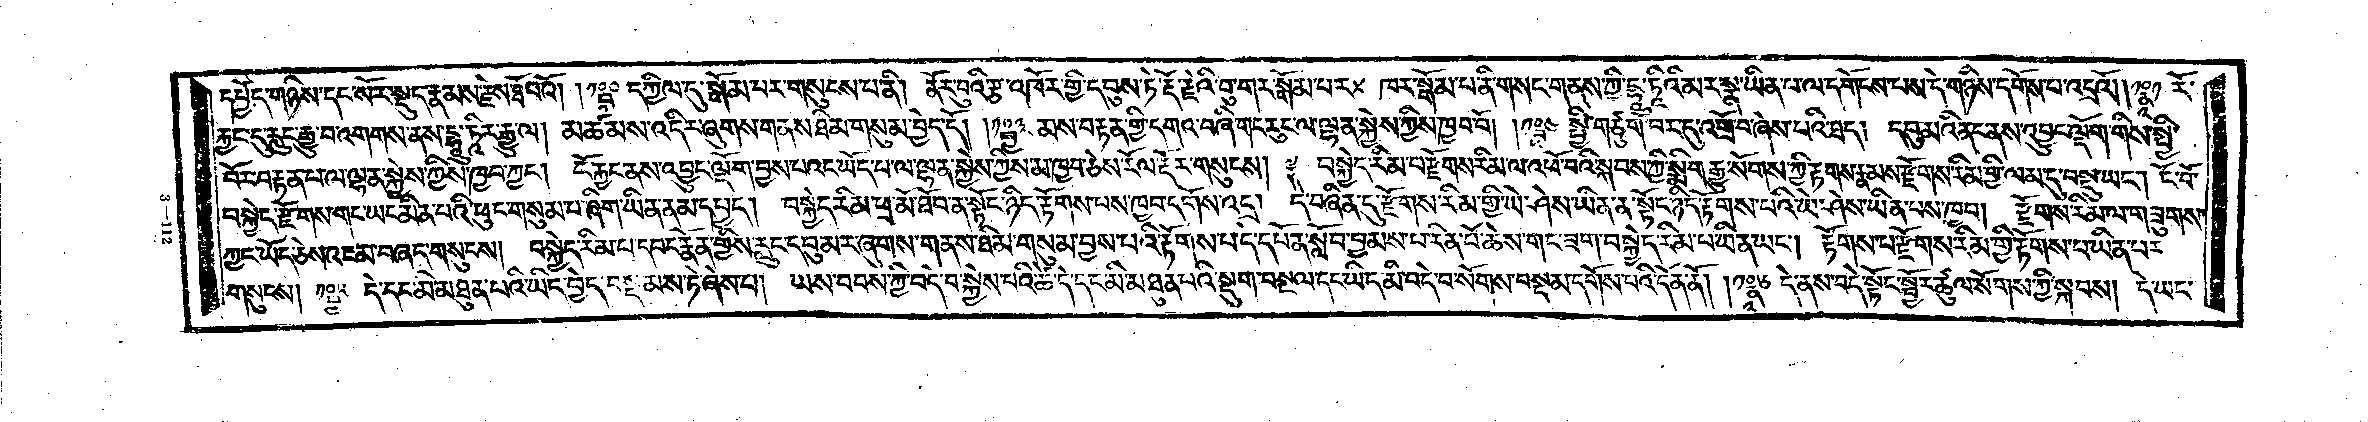དཔྱོད་གཉིས་དང་སོར་སྡུད་རྣམས་རྗེས་ཐོབ་བའོ། །༡༠༠་དཀྱིལ་དུ་སྒོམ་པར་གསུངས་པ་ནི། ནོར་བུའི་རྩ་འཁོར་གྱི་དབུས་ཏེ་རྡོ་རྗེའི་བུ་གར་སྒོམ་པར་྾་ཁར་སྒོམ་པ་ནི་གསང་གནས་ཀྱི་དྷཱུ་ཏཱིཨཱི་མར་སྣ་ཡིན་པ་ལ་དགོངས་པས་དེ་གཉིས་དགོས་པ་འདྲའོ། ༡༠༡་རོ་
རྐྱང་དུ་རླུང་རྒྱུ་བ་འགགས་ནས་དྷཱུ་ཏཱིར་རྒྱུ་ལ། མཚམས་འདིར་ཞུགས་གནས་ཐིམ་གསུམ་བྱེད་དོ། །༡༠༣་མས་བརྟན་གྱི་དགའ་བཞི་གང་རུང་ལ་ལྷན་སྐྱེས་ཀྱིས་ཁྱབ་བོ། །༡༠༤་སྤྱི་གཙུག་བར་དུ་འགྲོ་བ་ཞེས་པའི་ཐད། དབུ་མའི་ནང་ནས་འབྱུང་ལྡོག་གི་སྤྱི་
བོར་བརྟན་པ་ལ་ལྷན་སྐྱེས་ཀྱིས་ཁྱབ་ཀྱང་། ངོ་རྐྱང་ནས་འབྱུང་ལྡོག་བྱས་པའང་ཡོད་པ་ལ་ལྷན་སྐྱེས་ཀྱིས་མ་ཁྱབ་ཅེས་རོལ་རྡོར་གསུངས། ༈ བསྐྱེད་རིམ་བ་རྫོགས་རིམ་ལ་འཕོ་བའི་སྐབས་ཀྱི་སྨིག་རྒྱུ་སོགས་ཀྱི་རྟགས་རྣམས་རྫོགས་རིམ་གྱི་ལམ་དུ་བསྡུ་ཡང་། ངོ་བོ་
བསྐྱེད་རྫོགས་གང་ཡང་མིན་པའི་ཕུང་གསུམ་པ་ཞིག་ཡིན་ནམ་དཔྱད། བསྐྱེད་རིམ་ཕྲ་མོ་ཐོབ་ན་སྟོང་ཉིད་རྟོགས་པས་ཁྱབ་དགོས་འདྲ། དེ་བཞིན་དུ་རྫོགས་རིམ་གྱི་ཡེ་ཤེས་ཡིན་ན་སྟོང་ཉིད་རྟོགས་པའི་ཡེ་ཤེས་ཡིན་པས་ཁྱབ། རྫོགས་རིམ་ལ་གཟུགས་
ཀྱང་ཡོད་ཅེས་འཇམ་བཞད་གསུངས། བསྐྱེད་རིམ་པ་དབང་རྣོན་གྱིས་རླུང་དབུ་མར་ཞུགས་གནས་ཐིམ་གསུམ་བྱས་པའི་རྟོགས་པ་དེ་དཔོན་སློབ་བྱམས་པ་རིན་པོ་ཆེས་གང་ཟག་བསྐྱེད་རིམ་པ་ཡིན་ཡང་། རྟོགས་པ་རྫོགས་རིམ་གྱི་རྟོགས་པ་ཡིན་པར་
གསུངས། ༡༠༥་དེ་དང་མི་མཐུན་པའི་ཡིད་བྱེད་བསྡམས་ཏེ་ཞེས་པ། ཡས་བབས་ཀྱི་བདེ་བ་སྐྱེས་པའི་ཚེ་དེ་དང་མི་མཐུན་པའི་སྡུག་བསྔལ་དང་ཡིད་མི་བདེ་བ་སོགས་བསྡམ་དགོས་པའི་དོན་ནོ། །༡༠༦་དེ་ནས་བདེ་སྟོང་སྦྱོར་ཚུལ་སོགས་ཀྱི་སྐབས། དེ་ཡང་